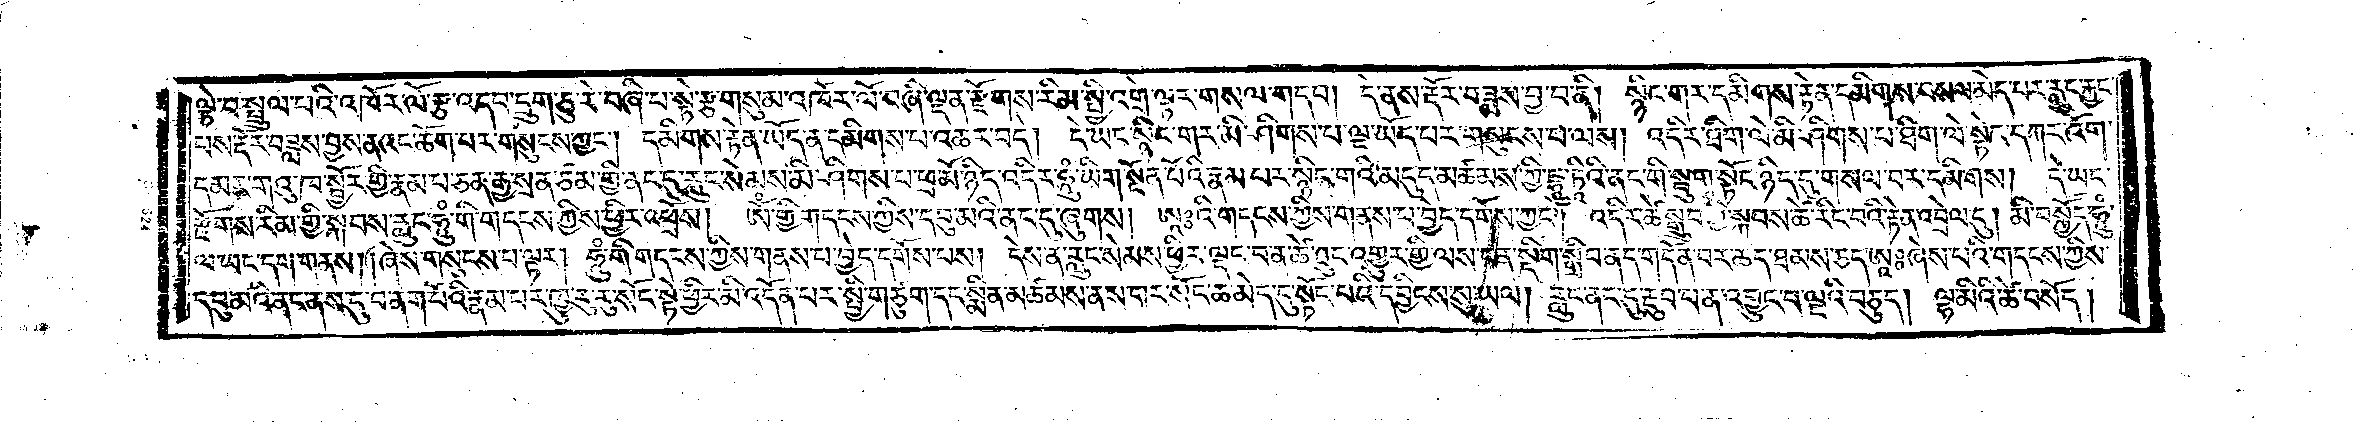ལྕེ་བ་སྤྲུལ་པའི་འཁོར་ལོ་རྩ་འདབ་དྲུག་ཅུ་རེ་བཞི་པ་སྟེ་རྩ་གསུམ་འཁོར་ལོ་བཞི་ལྡན་རྫོགས་རིམ་སྤྱི་འགྲེ་ལྟར་གསལ་གདབ། དེ་ནས་རྡོར་བཟླས་བྱ་བ་ནི། སྙིང་གར་དམིགས་རྟེན་དམིགས་བསལ་མེད་པར་རླུང་རྐྱང་
པས་རྡོར་བཟླས་བྱས་ནའང་ཆོག་པར་གསུངས་ཀྱང་། དམིགས་རྟེན་ཡོད་ན་དམིགས་པ་འཆར་བདེ། དེ་ཡང་སྙིང་གར་མི་ཤིགས་པ་ལྔ་ཡོད་པར་གསུངས་པ་ལས། འདིར་ཐིག་ལེ་མི་ཤིགས་པ་ཐིག་ལེ་སྟེང་དཀར་འོག་
དམར་གའུ་ཁ་སྦྱོར་གྱི་རྣམ་པ་ཅན་རྒྱ་སྲན་ཙམ་གྱི་ནང་དུ་རླུང་སེམས་མི་ཤིགས་པ་ཕྲ་མོ་ཉིད་འདིར་ཧཱུཾ་ཡིག་སྔོན་པོའི་རྣམ་པར་སྙིང་གའི་མདུད་མཚམས་ཀྱི་དྷཱུ་ཏཱིའི་ནང་གི་སྦུག་སྟོང་ཉིད་དུ་གསལ་བར་དམིགས། དེ་ཡང་
རྫོགས་རིམ་གྱི་སྐབས་རླུང་ཧཱུཾ་གི་གདངས་ཀྱིས་ཕྱིར་འཕྲོས། ཨོཾ་གྱི་གདངས་ཀྱིས་དབུ་མའི་ནང་དུ་ཞུགས། ཨཱཿའི་གདངས་ཀྱིས་གནས་པ་བྱེད་དགོས་ཀྱང་། འདིར་ཚེ་སྒྲུབ་ཀྱི་སྐབས་ཚེ་རིང་བའི་རྟེན་འབྲེལ་དུ། མི་བསྐྱོད་ཧཱུཾ་
ལ་ཡང་དག་གནས། །ཞེས་གསུངས་པ་ལྟར། ཧཱུཾ་གྱི་གདངས་ཀྱིས་གནས་པ་བྱེད་དགོས་པས། དེས་ན་རླུང་སེམས་ཕྱིར་ལྡང་བ་ན་ཚེ་ཐུང་འགྱུར་གྱི་ལས་པན་སྡིག་སྒྲིབ་ནད་གདོན་བར་ཆད་ཐམས་ཅད་ཨཱཿཞེས་པའི་གདངས་ཀྱིས་
དབུ་མའི་ནང་ནས་དུ་བ་ནག་པོའི་རྣམ་པར་ཁྱུ་རུ་རུ་སོང་སྟེ་ཕྱིར་མི་འདོན་པར་སྤྱི་གཙུག་དང་སྨིན་མཚམས་ནས་གར་སོང་ཆ་མེད་དུ་སྟོང་པའི་དབྱིངས་སུ་ཡལ། རླུང་ནང་དུ་རྡུབ་པ་ན་འབྱུང་བ་ལྔའི་བཅུད། ལྷ་མིའི་ཚེ་བསོད།